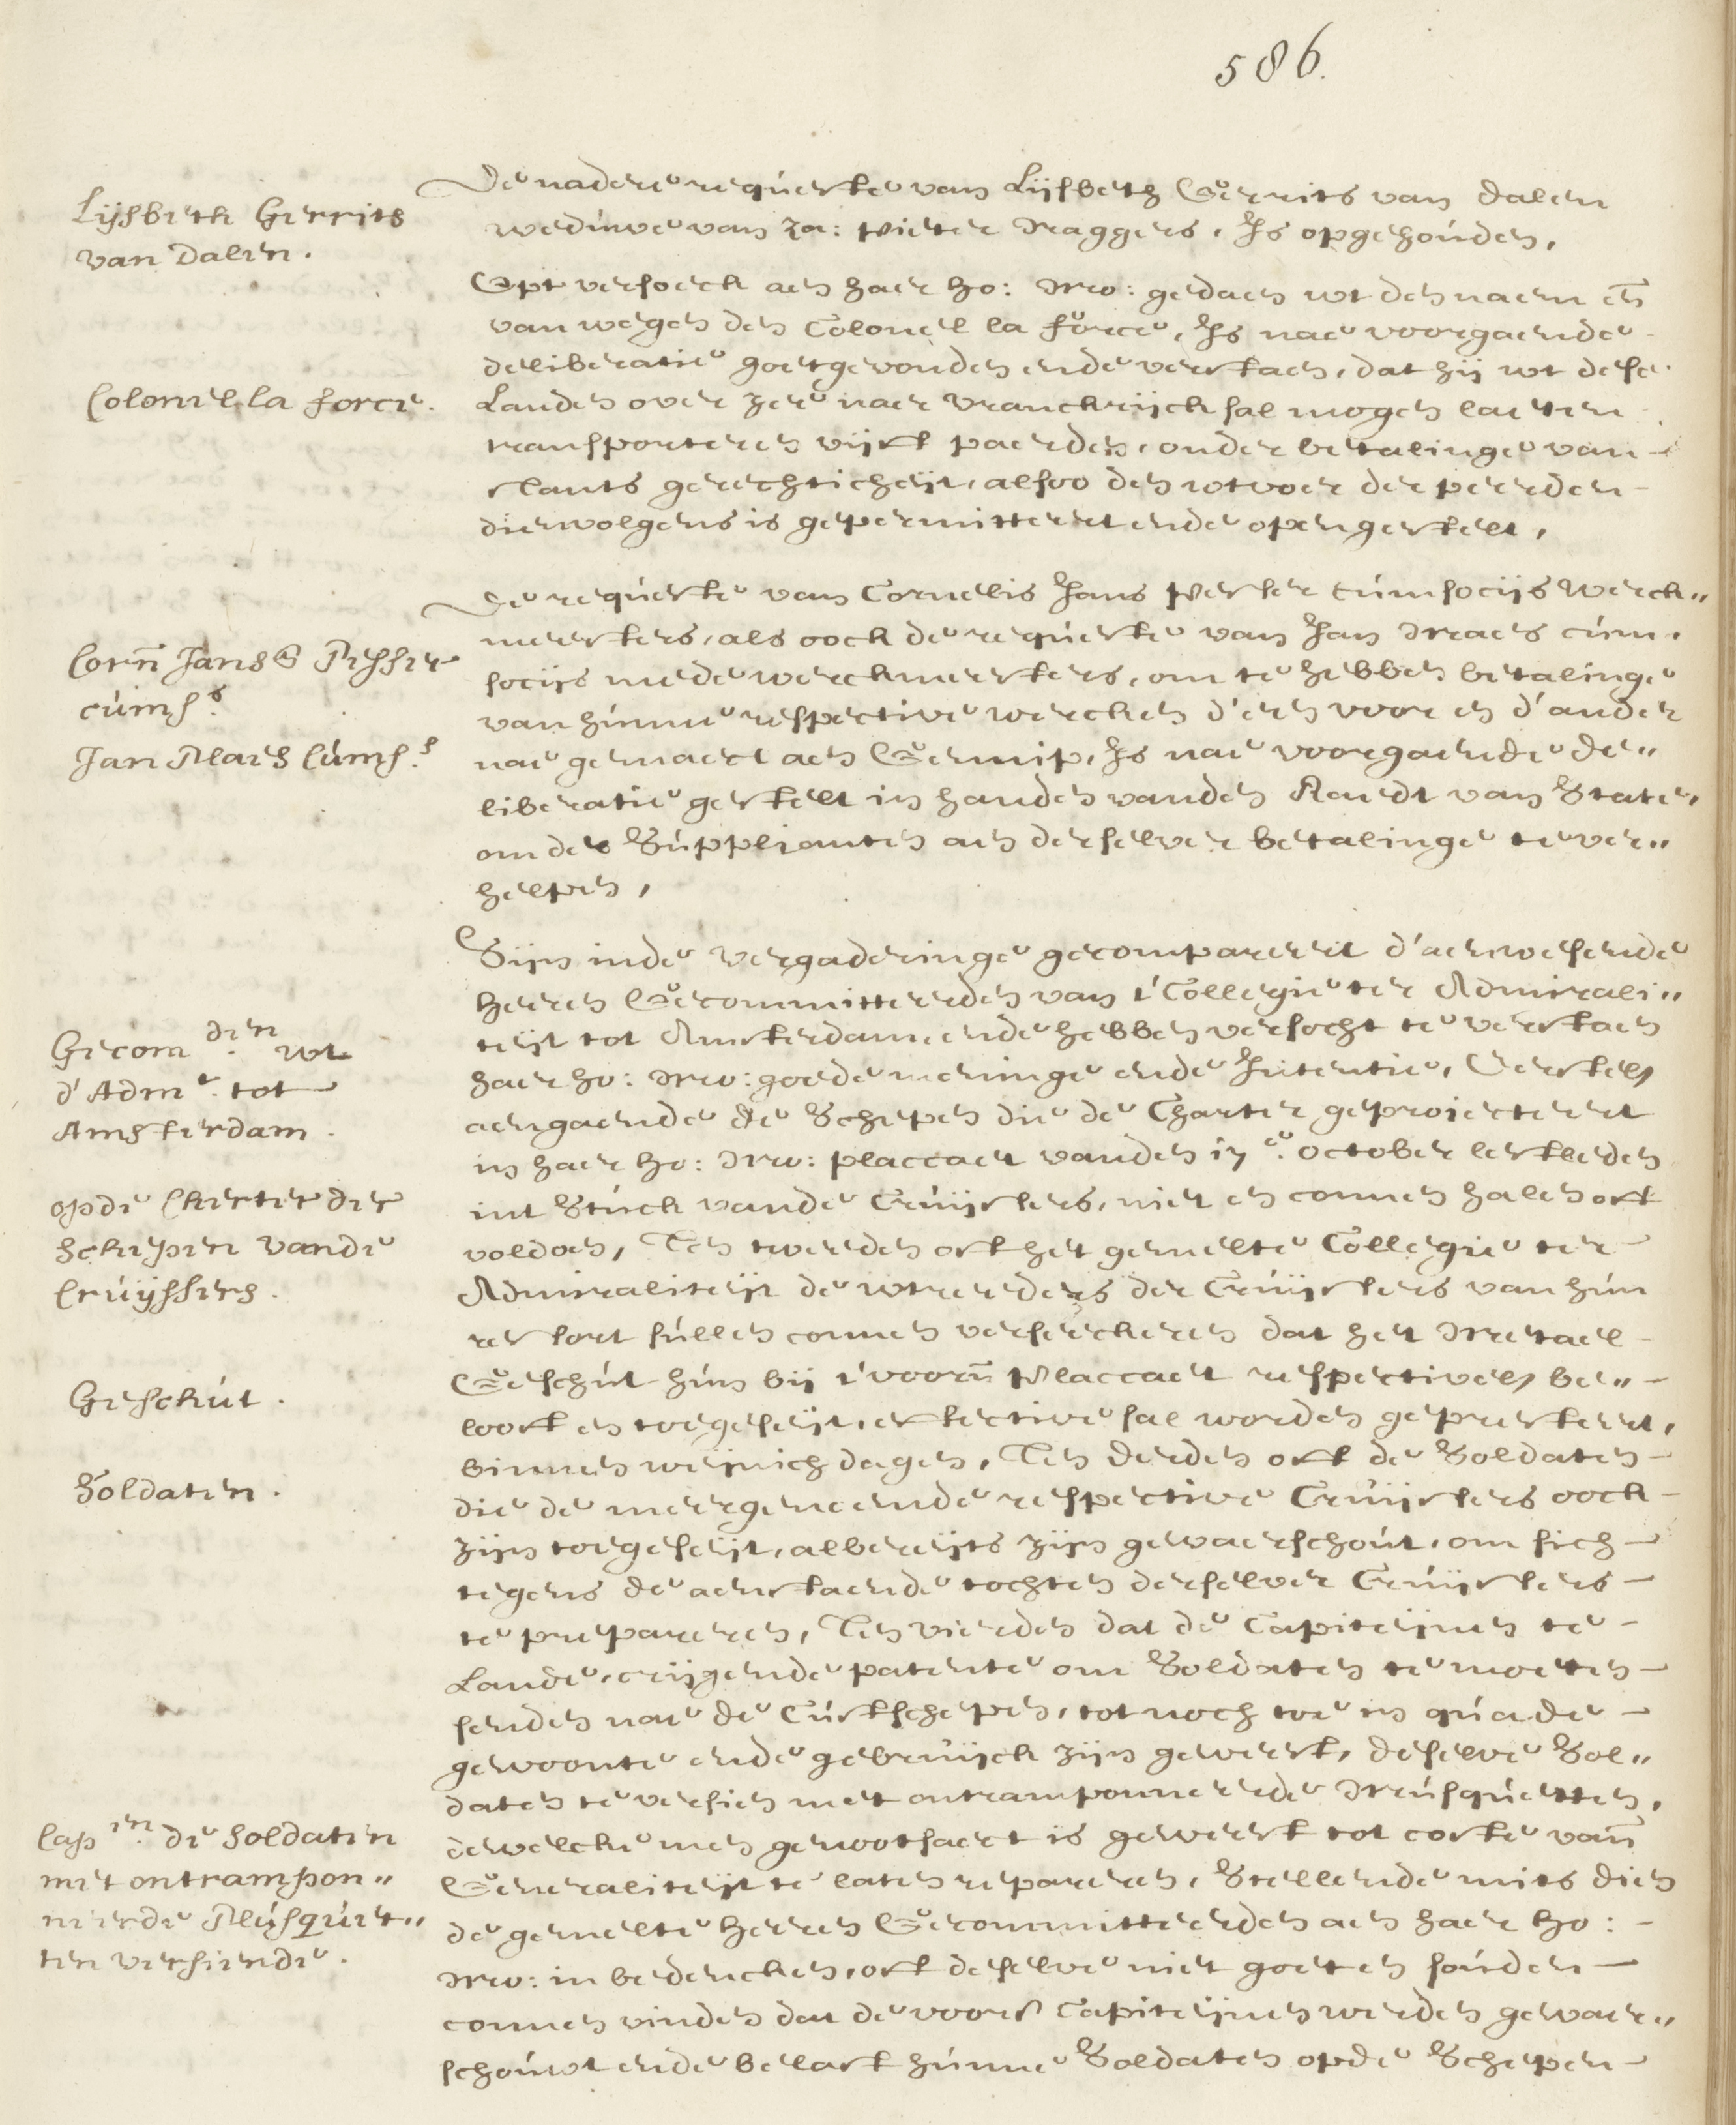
586
Lijsbeth Gerrits
van Dalen.
De nadere requeste van Lijsbeth Gerrits van Dalen
weduwe van za: Pieter Waggers, Is opgehouden.
Colonel la Force.
Opt versoeck aen haer Ho:Mo: gedaen wt den naem en
van wegen den Colonel la Force, Is nae voorgaende
deliberatie goetgevonden ende verstaen, dat hij wt dese
landen over zee naer Vranckrijck sal mogen laeten
transporteren vijff paerden, onder betalinge van
slants gerechticheijt, alsoo den wtvoer der peerden
dienvolgens is gepermitteert ende open gestelt.
Corn Janss. Pesser
cum ss.
Jan Maes cum ss.
De requeste van Cornelis Jans Pesser cum socijs werck„
meesters, als oock de requeste van Jan Maes cum
socijs mede werckmeesters, om te hebben betalinge
van hunne respective wercken d'enen voor en d'ander
nae gemaeckt aen Gennep, Is nae voorgaende de„
liberatie gestelt in handen van den Raedt van State,
om den Supplianten aen derselver betalinge te ver„
helpen.
Gecomden. wt
d'Admt. tot
Amsterdam.
opde cherter der
schepen van de
cruijssers.
Geschut.
Soldaten.
Capen de soldaten
met ontrampon„
nierde musquet„
ten versiende.
Sijn inde vergaderinge gecompareert d'aenwesende
heeren Gecommitteerden van t'Collegie ter Admiraeli„
teijt tot Amsterdam, ende hebben versocht te verstaen
haere Ho:Mo: goede meninge ende Intentie. Eerstel
aengaende de Schepen die de Charter geproiecteert
in haer Ho:Mo: placcaet van den 17en october lestleden
int Stuck vande cruijssers, niet en connen halen off
voldoen. Ten tweeden off het gemelte Collegie ter
Admiraliteijt de wtreeders der cruijssers van hun
ressort sullen connen verseeckeren dat het metael
Geschut hun bij t'voorn placcaet respectivel be„
looft en toegeseijt effective sal worden gepresteert
binnen weijnich dagen. Ten derden off de soldaten
die de meergenoemde respective cruijssers oock
zijn toegeseijt, albereijts zijn gewaerschout om sich
tegens de aenstaende tochten derselver cruijssers
te prepareren. Ten vierden dat de capiteijnen te
lande, crijgende patente om Soldaten te moeten
senden nae de custschepen, tot noch toe in quade
gewoonte ende gebruijck zijn geweest, deselve Sol„
daten te versien met ontramponneerde musquetten,
dewelcke men genootsaect is geweest tot coste van
Generaliteijt te laten repareren, Stellende mits dien
de gemelte heeren Gecommitteerden aen haer Ho:
Mo: in bedencken, off deselve niet goet en souden
connen vinden dan de voors. capiteijnen werden gewaer„
schouwt ende belast hunne Soldaten opde schepen
